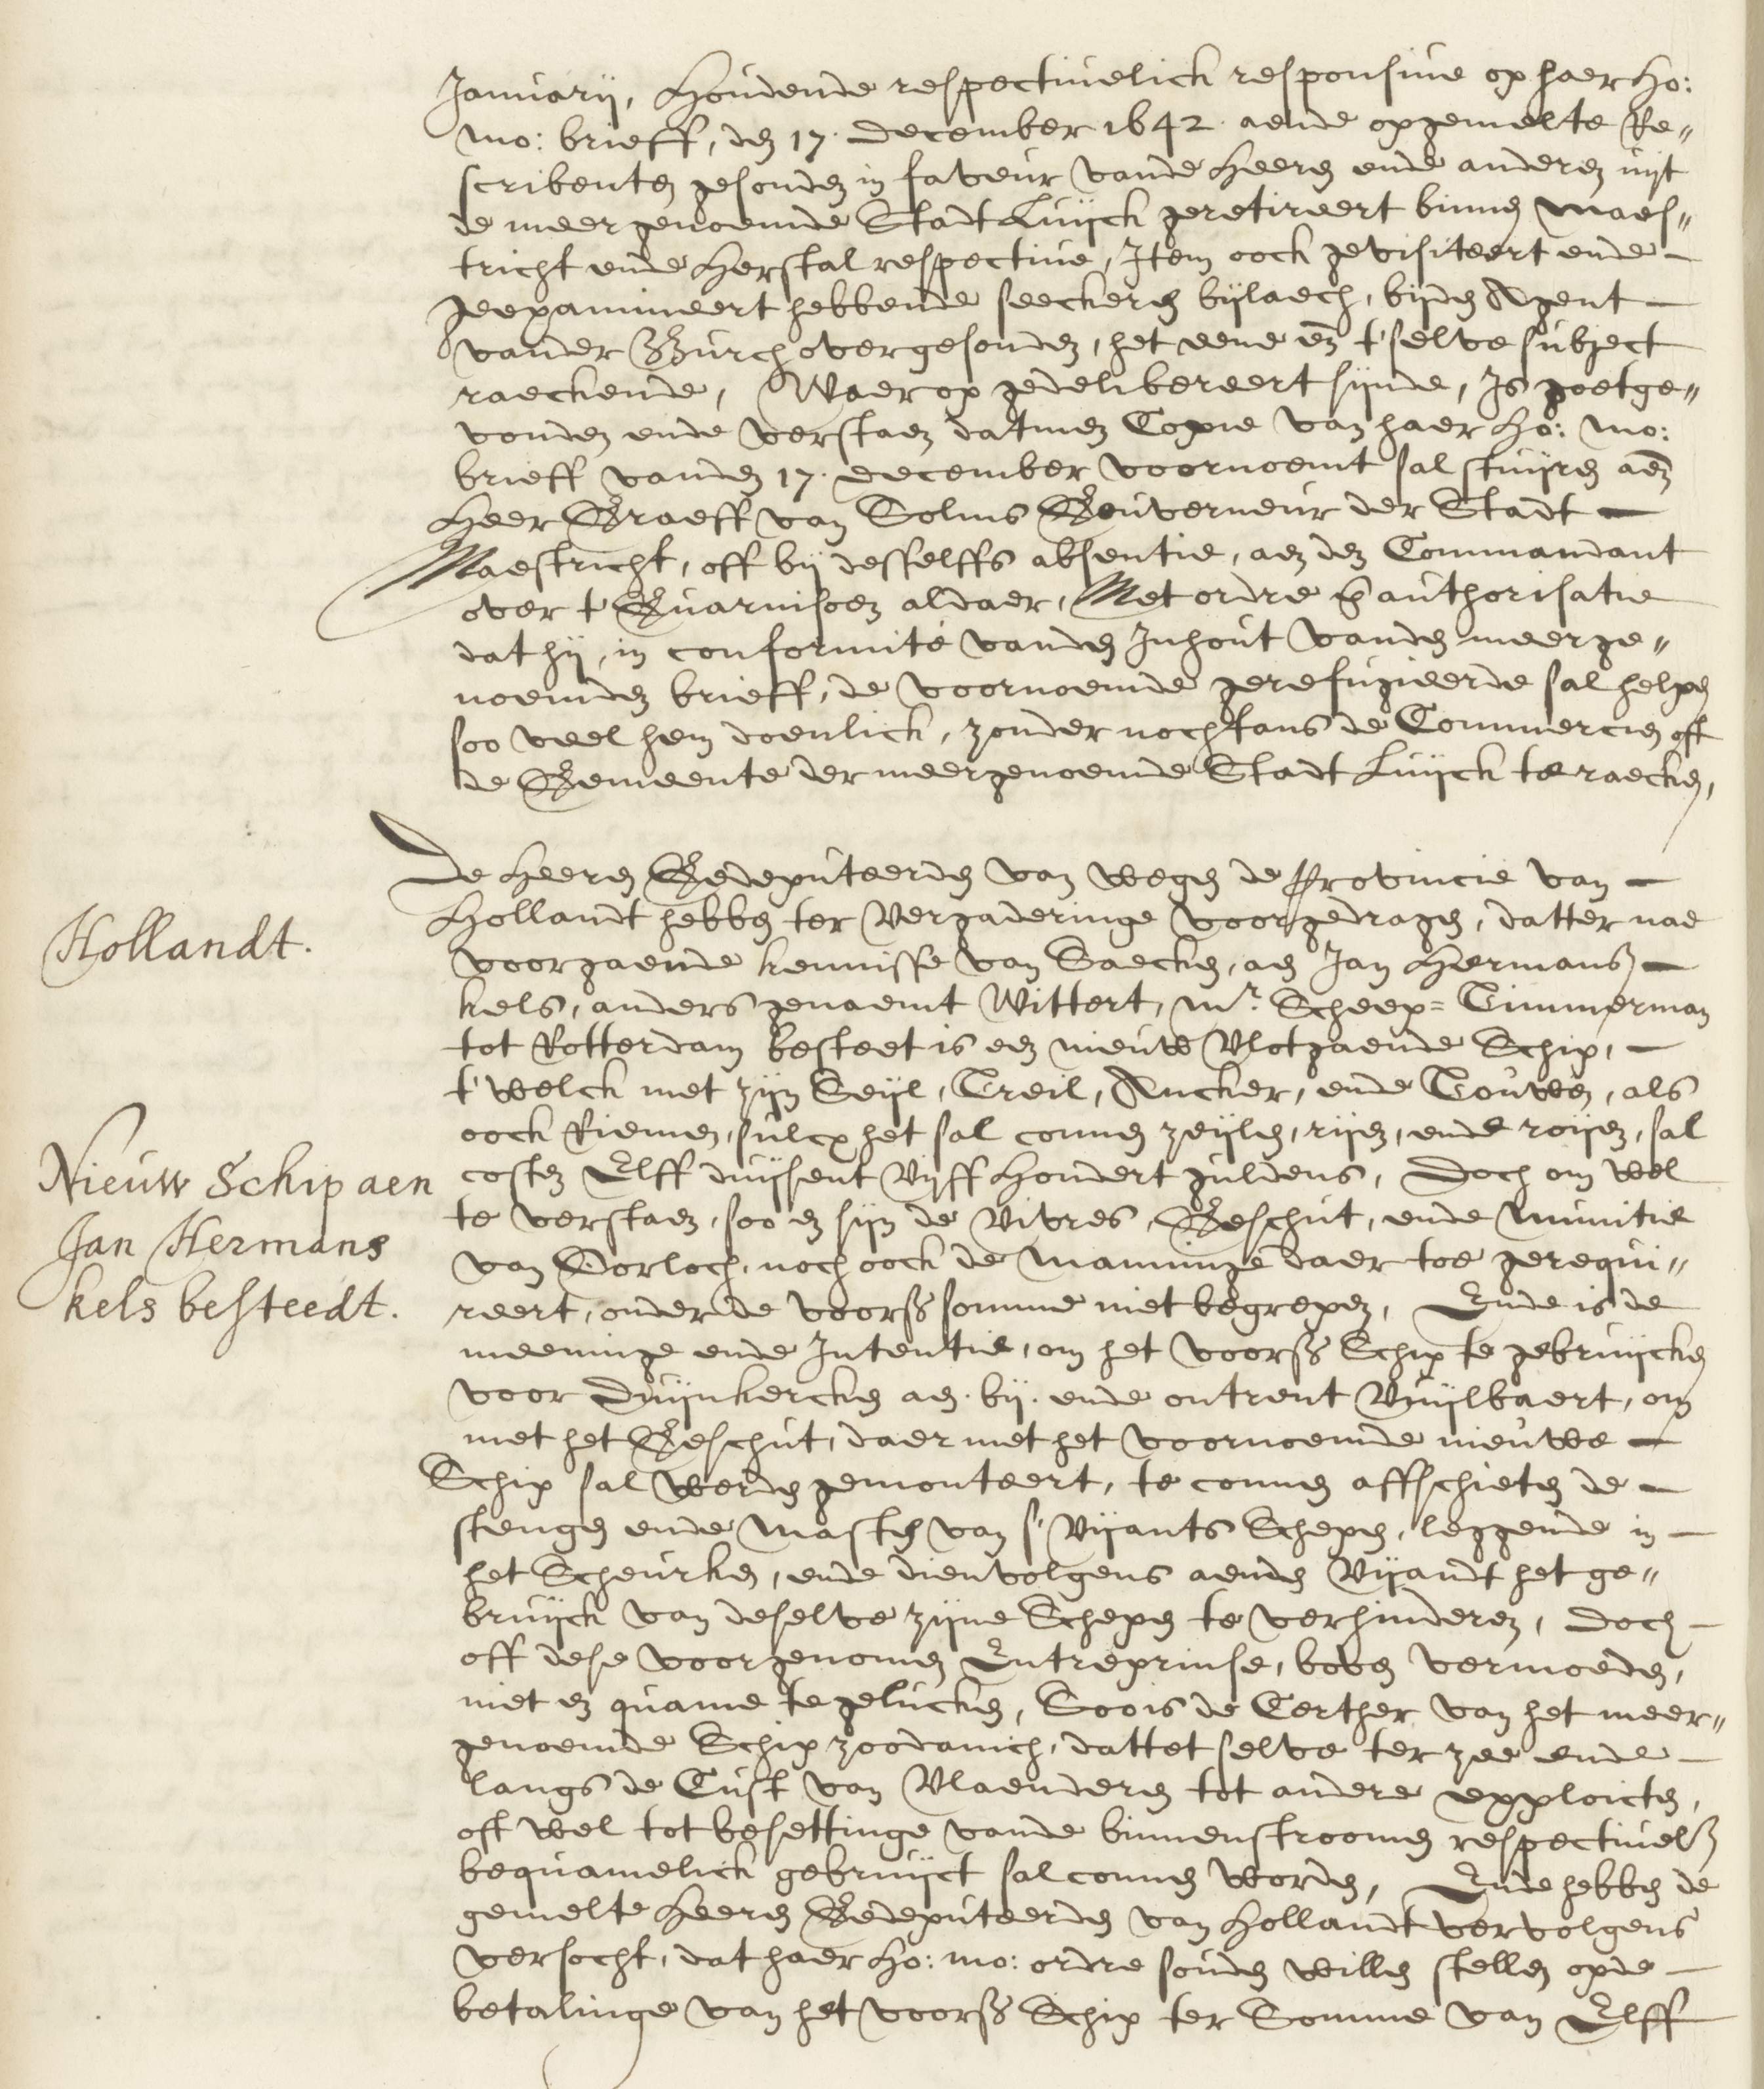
Januarij, houdende respectiuelick responsiue op haer Ho:
Mo: brieff, den 17. December 1642. aende opgemelte Re„
scribenten gesonden in faveur vande heeren ende anderen uijt
de meergenoemde Stadt Luijck geretireert binnen Maes„
tricht ende Herstal respectiuve. Item oock gevisiteert ende —
geexamineert hebbende seeckeren bijlaech, bijden Agent —
vander Burch overgesonden, het eene en t'selve subject
raeckende. Waerop gedelibereert sijnde, Is goetge„
vonden ende verstaen datmen Copie van haer Ho:Mo:
brieff vanden 17. december voornoemt sal stuijren aen
heer Graeff van Solms Gouverneur der Stadt —
Maestricht, off bij desselffs absentie, aen den Commandant
over t‛Guarnisoen aldaer, Met ordre & authorisatie
dat hij, in conformité vanden Inhout vanden meerge„
noemden brieff, de voornoemde gerefugieerde sal helpen
soo veel hem doenlick, zonder nochtans de Commercien off
de Gemeente der meergenoemde Stadt Luijck te raecken,
Hollandt.
Nieuw Schip aen
Jan Hermans
kels besteedt.
De heeren Gedeputeerden van wegen de Provincie van —
Hollandt hebben ter Vergaderinge voorgedragen, datter nae
voorgaende kennisse van Saecken, aen Jan Hermansz. —
kels, anders genaemt Wittert, mr. Scheep=Timmerman
tot Rotterdam besteet is een nieuw Vlotgaende Schip, —
t'welck met zijn Seijl, Treil, Ancker, ende Touwen, als
oock Riemen, sulcx het sal connen zeijlen, rijen, ende roijen, sal
costen Elff duijsent Vijff hondert guldens, Doch om wel
te verstaen, soo en sijn de Vivres, Geschut, ende Munitie
van Oorloch, noch oock de manninge daertoe gerequi„
reert, onder de voors somme niet begrepen. Ende is de
meeninge ende Intentie, om het voors Schip te gebruijcken
voor Duijnkercken aen. bij. ende ontrent Vuijlbaert, om
met het Geschut, daer met het voornoemde nieuwe —
Schip sal werden gemonteert, te connen affschieten de —
stengen ende masten van s‛Vijants Schepen, leggende in —
het Scheurken, ende dienvolgens aenden Vijandt het ge„
bruijck van deselve zijne Schepen te verhinderen, doch —
off dese voorgenomen Entreprinse, boven vermoeden,
niet en quame te gelucken, Soo is de Certher van het meer„
genoemde Schip zoodanich, dattet selve ter zee ende —
langs de Cust van Vlaenderen tot andere exploicten,
off wel tot besettinge vande binnenstroomen respectiuel
bequamelick gebruijct sal connen worden. Ende hebben de
gemelte Heeren Gedeputeerden van Hollandt vervolgens
versocht, dat haer Ho:Mo: ordre souden willen stellen opde -
betalinge van het voors Schip ter Somme van Elff
